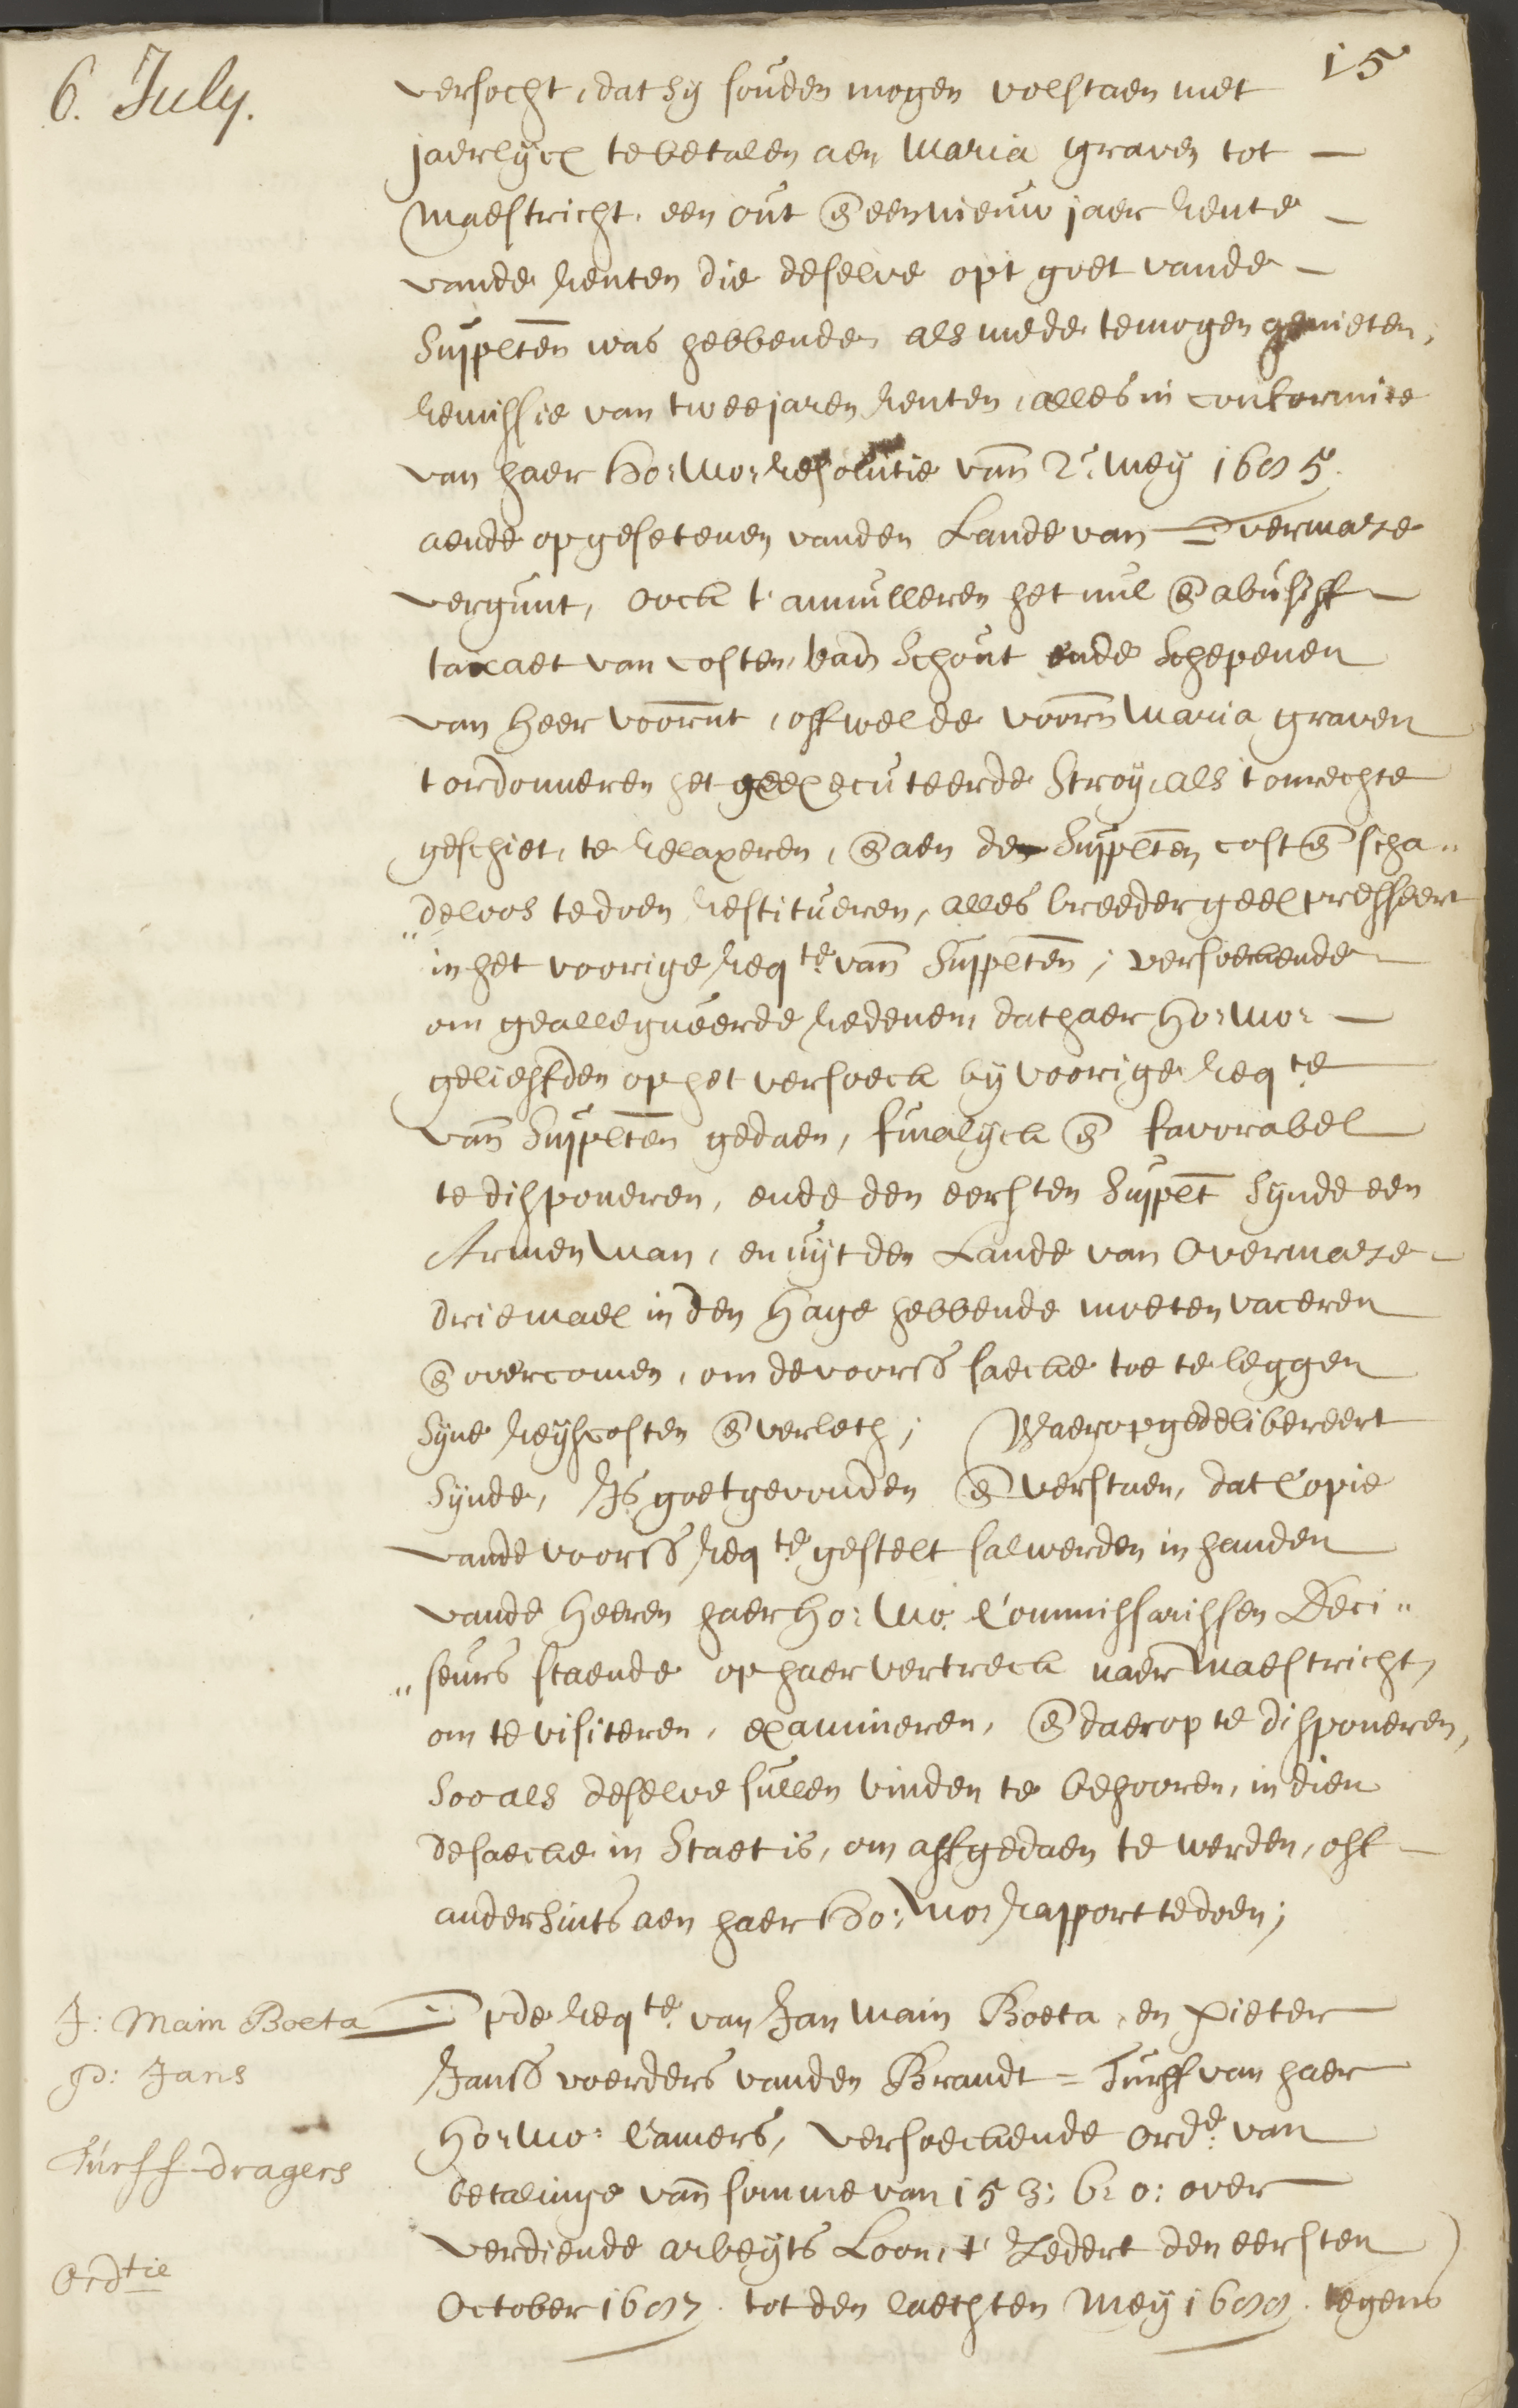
15
6. July.
versocht, dat sij souden mogen volstaen met
jaerlijcx te betalen aen maria graven tot
maestricht een out & een nieuw jaer rente
vande renten die deselve opt gelt vande
Supplten was hebbende als mede te mogen genieten,
remissie van twee jaren renten alles in conformite
van haer ho:mo: resolutie van 2e meij 1685
aende opgesetenen vanden Lande van Overmaze
vergunt, oock t‛ annulleren het nul & abusiff
taxaet van costen, van Schout ende Schepenen
van heer voorn., oftwel de voorn. Maria graven
t ordonneren het geexecuteerde Stroij als t onrechte
geschiet te relaxeren, & aen den Supplten costen scha„
deloos te doen restitueren, alles breeder geexpresseert
in het voorige reqte van Supplten; versoeckende
om geallegueerde redenen dat haer ho:mo:
gelieffden op het versoeck bij voorige reqte
van Supplten gedaen, finalijck en favorabel
te disponeren, ende den eersten Supplt Sijnde een
Armen man, en uijt den Lande van Overmaze
driemael in den hage hebbende moeten vaceren
& overcomen, om de voors. saecke toe te leggen
sijne reijscosten & verleth: Waerop gedelibereert
Sijnde, Is goetgevonden & verstaen, dat Copie
vande voors. reqte gestelt sal werden in handen
vande heeren haer ho:mo: Commissarissen Deci„
seurs staende op haer vertreck naer maestricht,
om te visiteren, examineren, & daerop disponeren,
soo als deselve sullen vinden te behooren, in dien
de saecke in Staet is, om affgedaen te werden, oft
andersints aen haer ho:mo: rapport te doen;
J. Main Boeta
P: Jans
Turff-drager
Ordtie
Opde reqte. van Jan Main Boeta en Pieter
Janss voerders vanden Brandt=Turff van haer
ho:mo: Camers, versoeckende orde: van
betalinge van somme van 153: 6: 0 over
verdiende arbeijts Loon, t‛ Zedert den eersten
october 1687, tot den laetsten meij 1688 tegens
